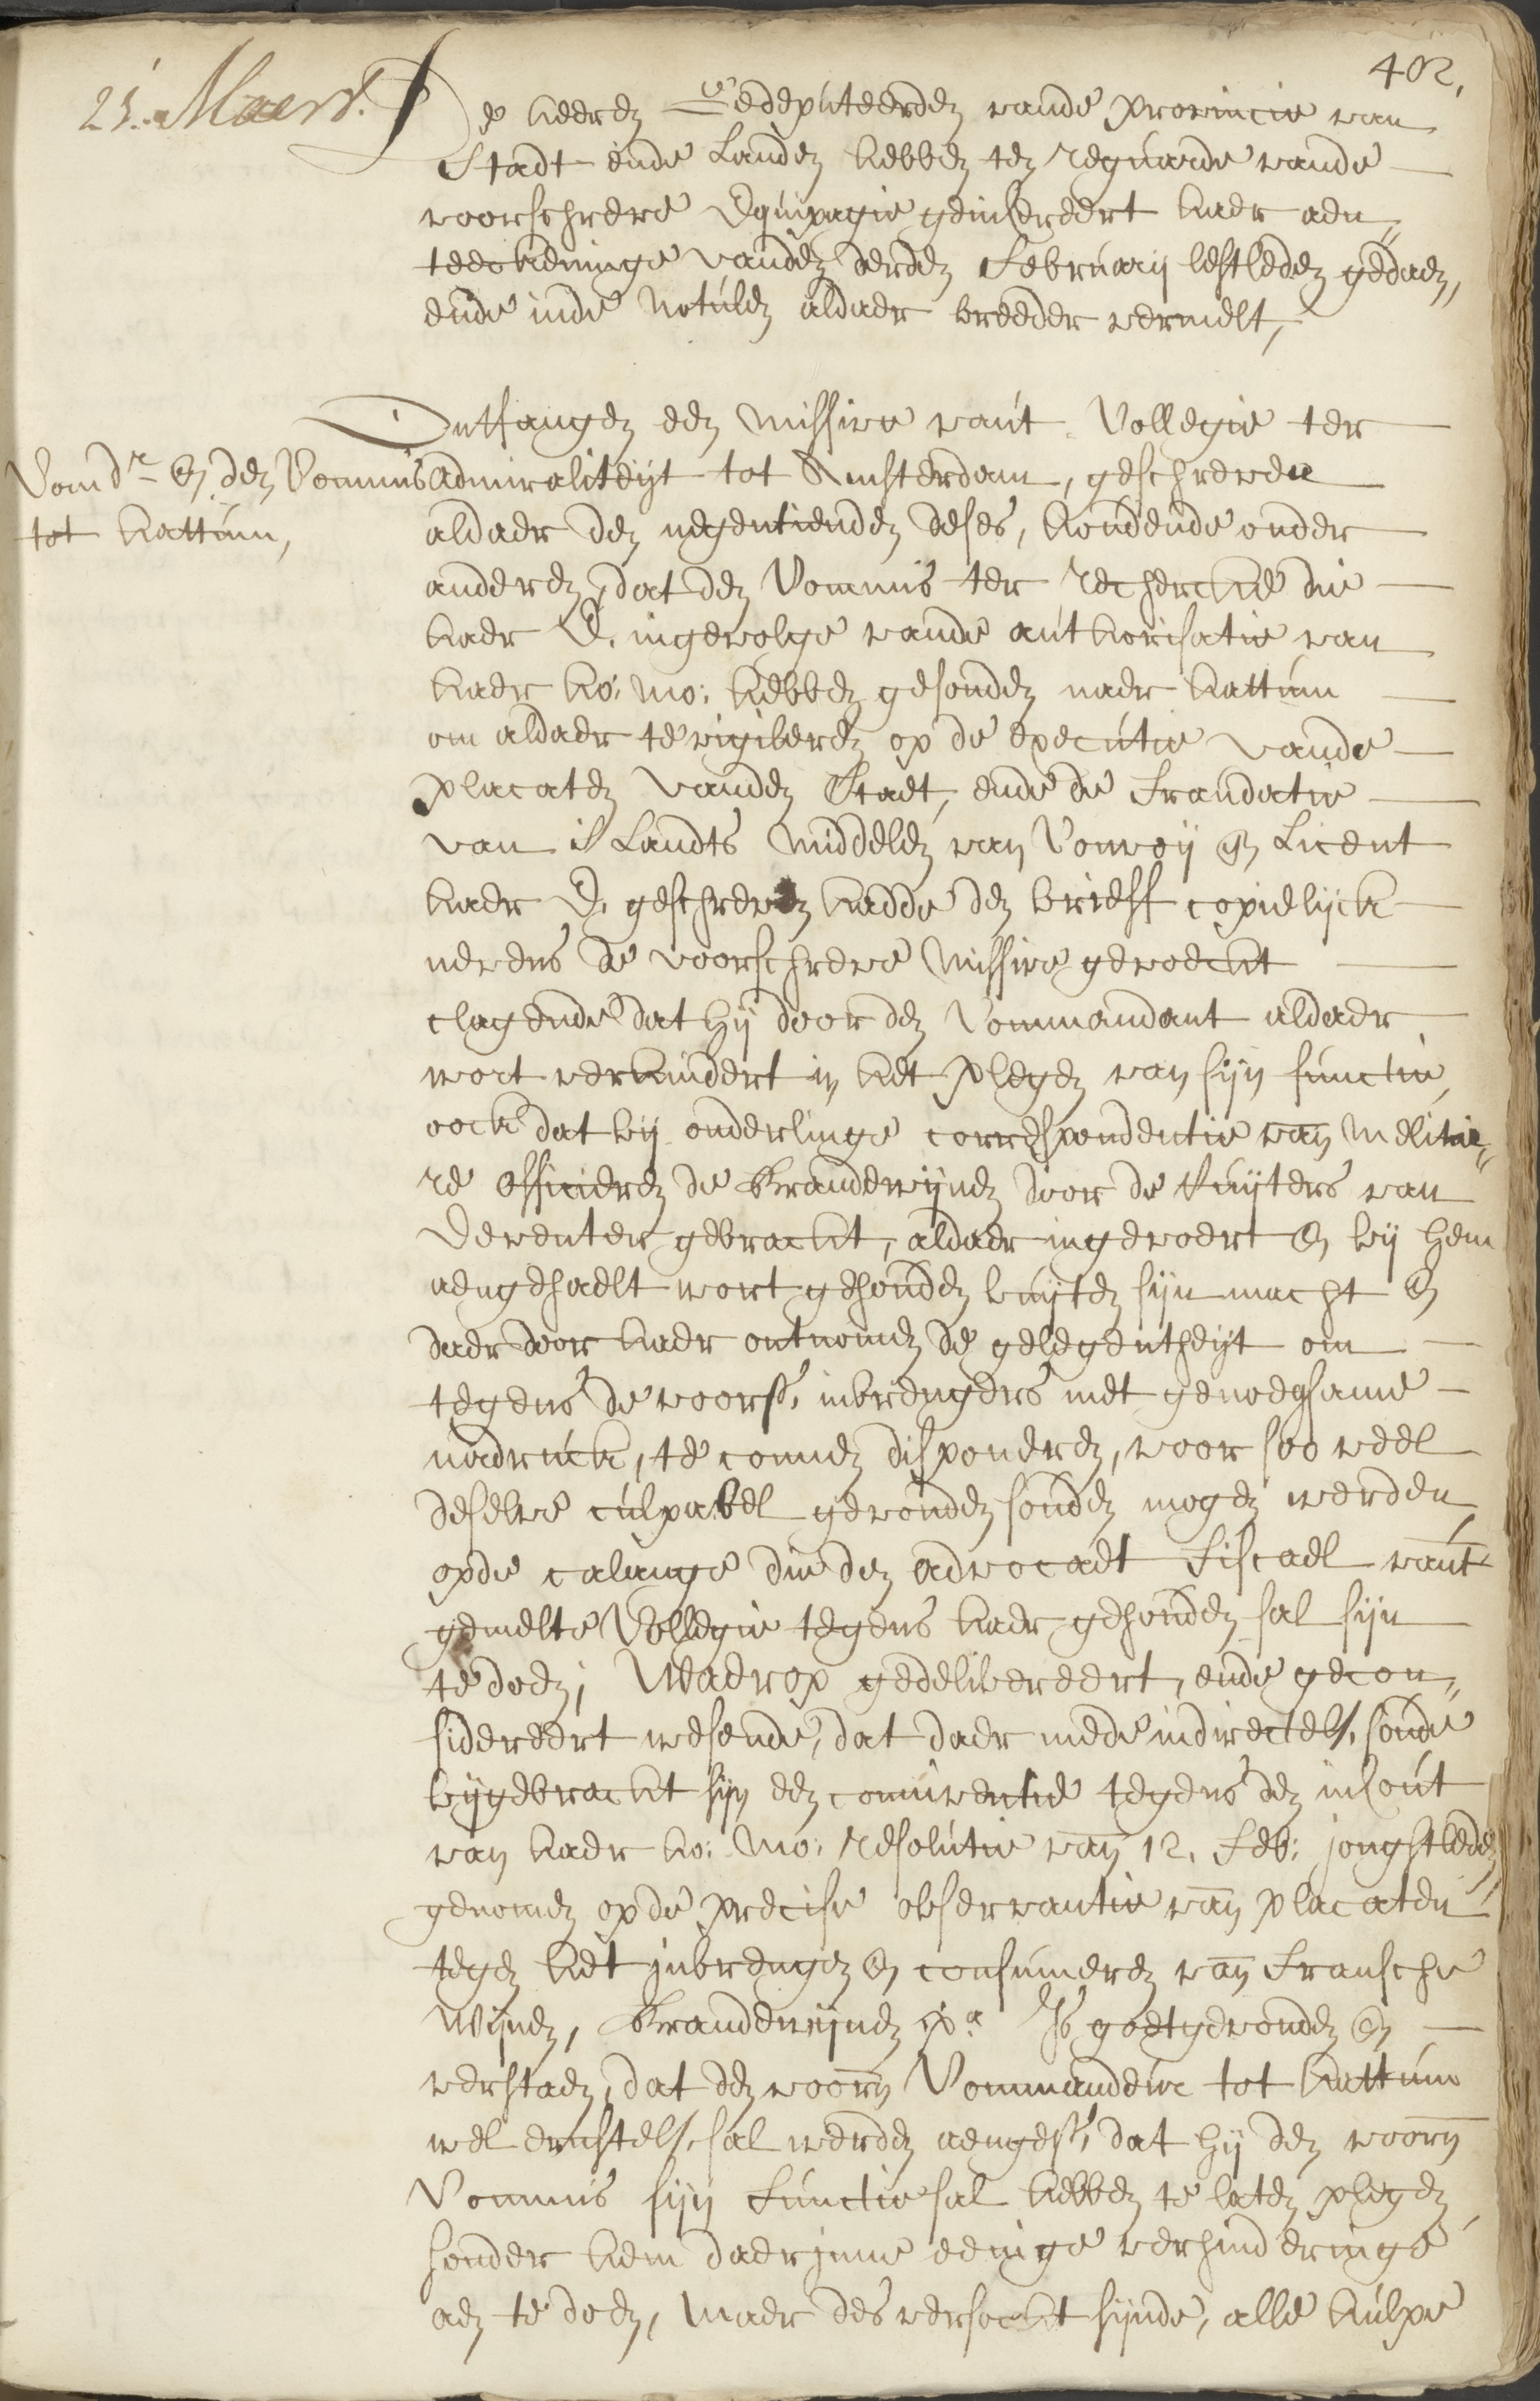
482.
21. Maert.
De heeren Gedeputeerden vande Provincie van
Stadt ende Landen hebben ten reguarde vande
voorschreve Equipagie geinhereert haer aen„
teeckeninge vande derden februarij lestleden gedaen.
ende inde notulen aldaer breeder vermelt,
Comdr. & den Commis
tot Hattum,
Ontfangen een missive van‛t Collegie ter
Admiraliteijt tot Amsterdam, geschreven
aldaer den negentienden deses, houdende onder
anderen, dat den Commis ter recherche die
haer E. ingevolge vande authorisatie van
haer Ho:Mo: hebben gesonden naer Hattum
om aldaer te vigileren op de executie vande
placaten vanden Staet, ende de fraudatie
van ‛s Landts middelen van Convoij & Licent
haer E. geschreven hadde den brieff copielijck
nevens de voorschreve missive gevoecht
clagende dat hij door den Commandant aldaer,
wort verhindert in het plegen van sijn functie,
oock dat bij onderlinge correspondentie van melitai„
re officieren de Brandewijnen door de Ruijters van
Deventer gebracht, aldaer ingevoert & bij hem
aengehaelt wort gesonden buijten sijn macht &
daer door haer ontnomen de gelegentheijt om
tegens de voors. inbrengers met genoegsame
nadruck, te connen disponeren, voor soo veel
deselve culpabel gevonden souden mogen werden,
opde calange die den Advocaet fiscael vant
gemelte Collegie tegens haer gehouden sal sijn
te doen; Waerop gedelibereert, ende gecon„
sidereert wesende, dat daer mede indirectel. soude
bijgebracht sijn een concurentie tegens den inhout
van haer ho:Mo: resolutie van 12. feb: jongstleden,
genomen opde precise observantie van placaten
tegen het inbrengen & consumeren van fransche
Wijnen, Brandemijnen &a. Is goetgevonden &
verstaen, dat den voorn Commandeur tot Hattum
wel ernstel sal werden aengest. dat hij den voorn
Commis sijn functie sal hebben te laten plegen
sonder hem daerinne eenige verhinderinge
aen te doen, maer des versocht sijnde, alle hulpe
